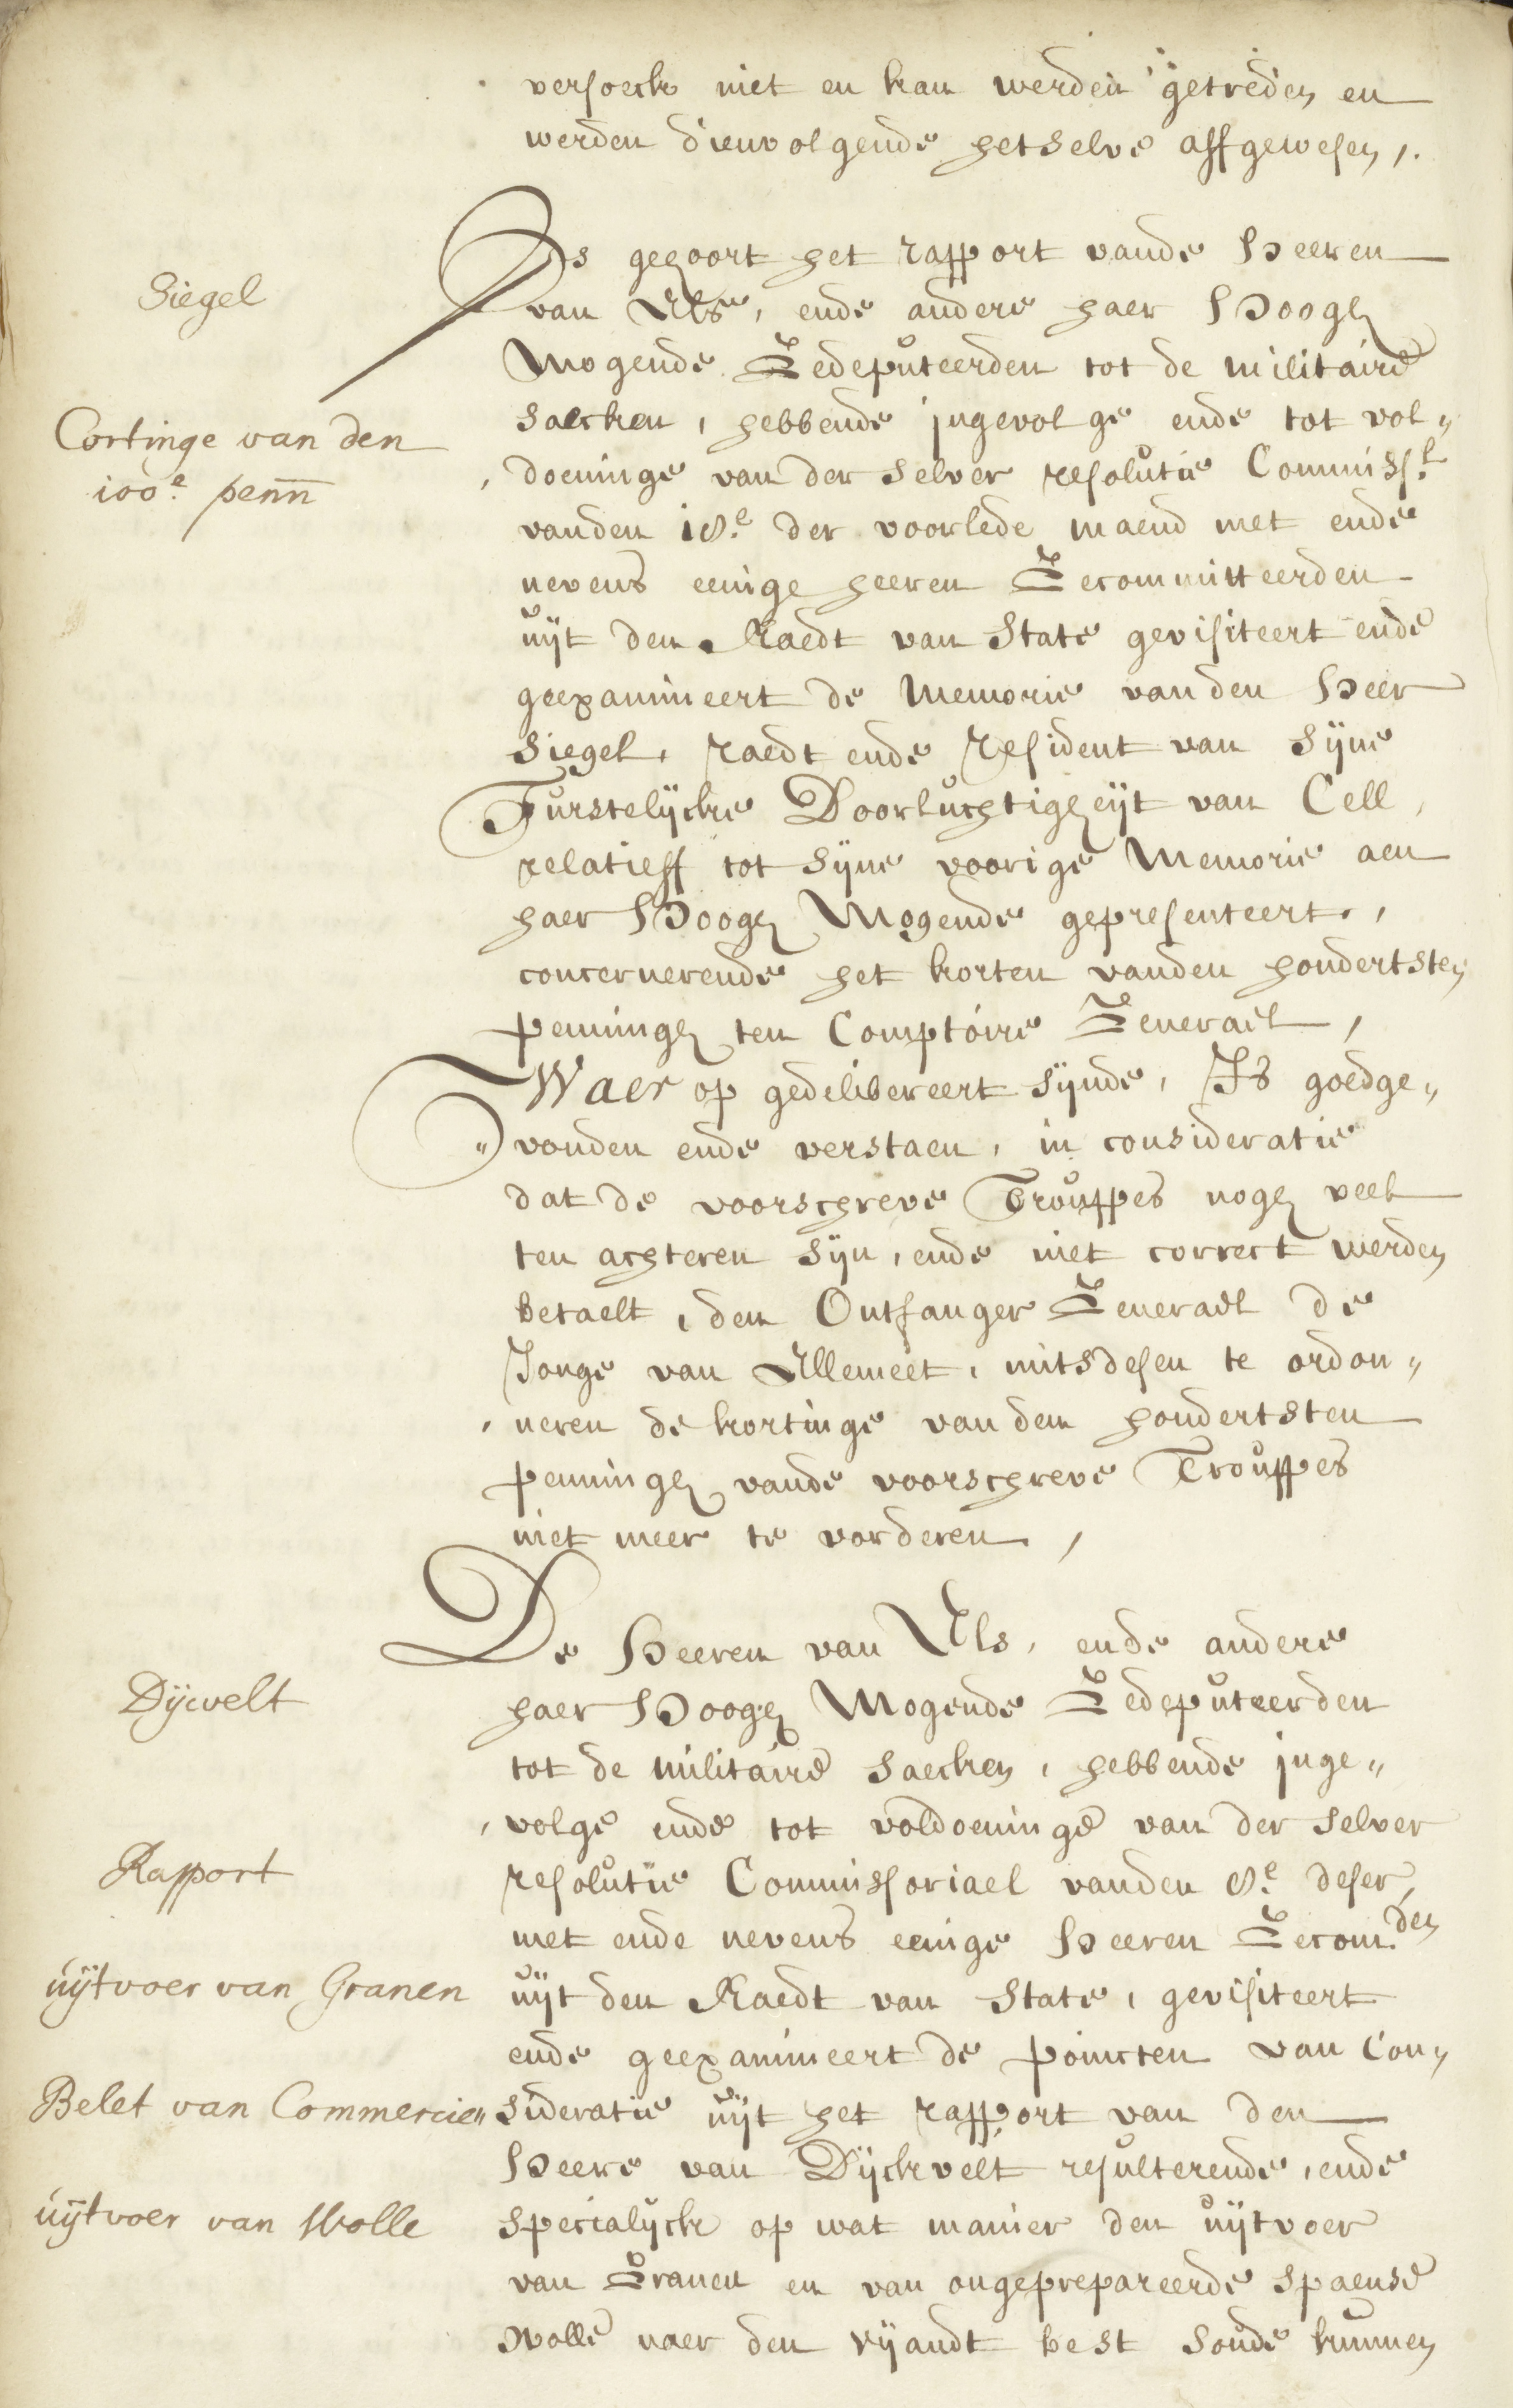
versoeck niet en kan werden getreden en
werden dienvolgende hetselve affgewesen.
Siegel
Cortinge van den
100e. penn
Is gehoort het rapport vande Heeren
van Els, ende andere haer Hoogh
Mogende Gedeputeerden tot de militaire
saecken, hebbende ingevolge ende tot vol„
„doeninge van der selver resolutie Commissl.
vanden 18e. der voorlede maend met ende
nevens eenige heeren Gecommitteerden
uijt den Raedt van State gevisiteert ende
geexamineert de memorie vanden Heer
Siegel, raedt ende resident van sijne
Furstelijcke Doorluchtigheijt van Cell,
relatieff tot sijne voorige Memorie aen
haer Hoogh Mogende gepresenteert,
concernerende het korten vanden hondertsten
penningh ten comptoire Generael,
Waer op gedelibereert sijnde, Is goedge„
„vonden ende verstaen, in consideratie
dat de voorschreve Trouppes nogh veel
ten achteren sijn, ende niet correct werden
betaelt, den Ontfanger Generael de
Jonge van Ellemeet, mitsdesen te ordon„
„neren de kortinge van den hondertsten
penningh vande voorschreve Trouppes
niet meer te vorderen.
Dijcvelt
Rapport
uijtvoer van Granen
Belet van Commercien
uijtvoer van Wolle
De Heeren van Els, ende andere
haer Hoogh Mogende Gedeputeerden
tot de militaire saecken, hebbende inge„
„volge ende tot voldoeninge van der selver
resolutie Commissoriael vanden 8e deser
met ende nevens eenige Heeren Gecomden.
uijt den Raedt van State, gevisiteert
ende geexamineert de poincten van con„
sideratie uijt het rapport van den
Heere van Dijckvelt resulterende, ende
specialijck op wat manier den uijtvoer
van Granen en van ongeprepareerde spaense
Wolle naer den vijandt best soude kunnen
